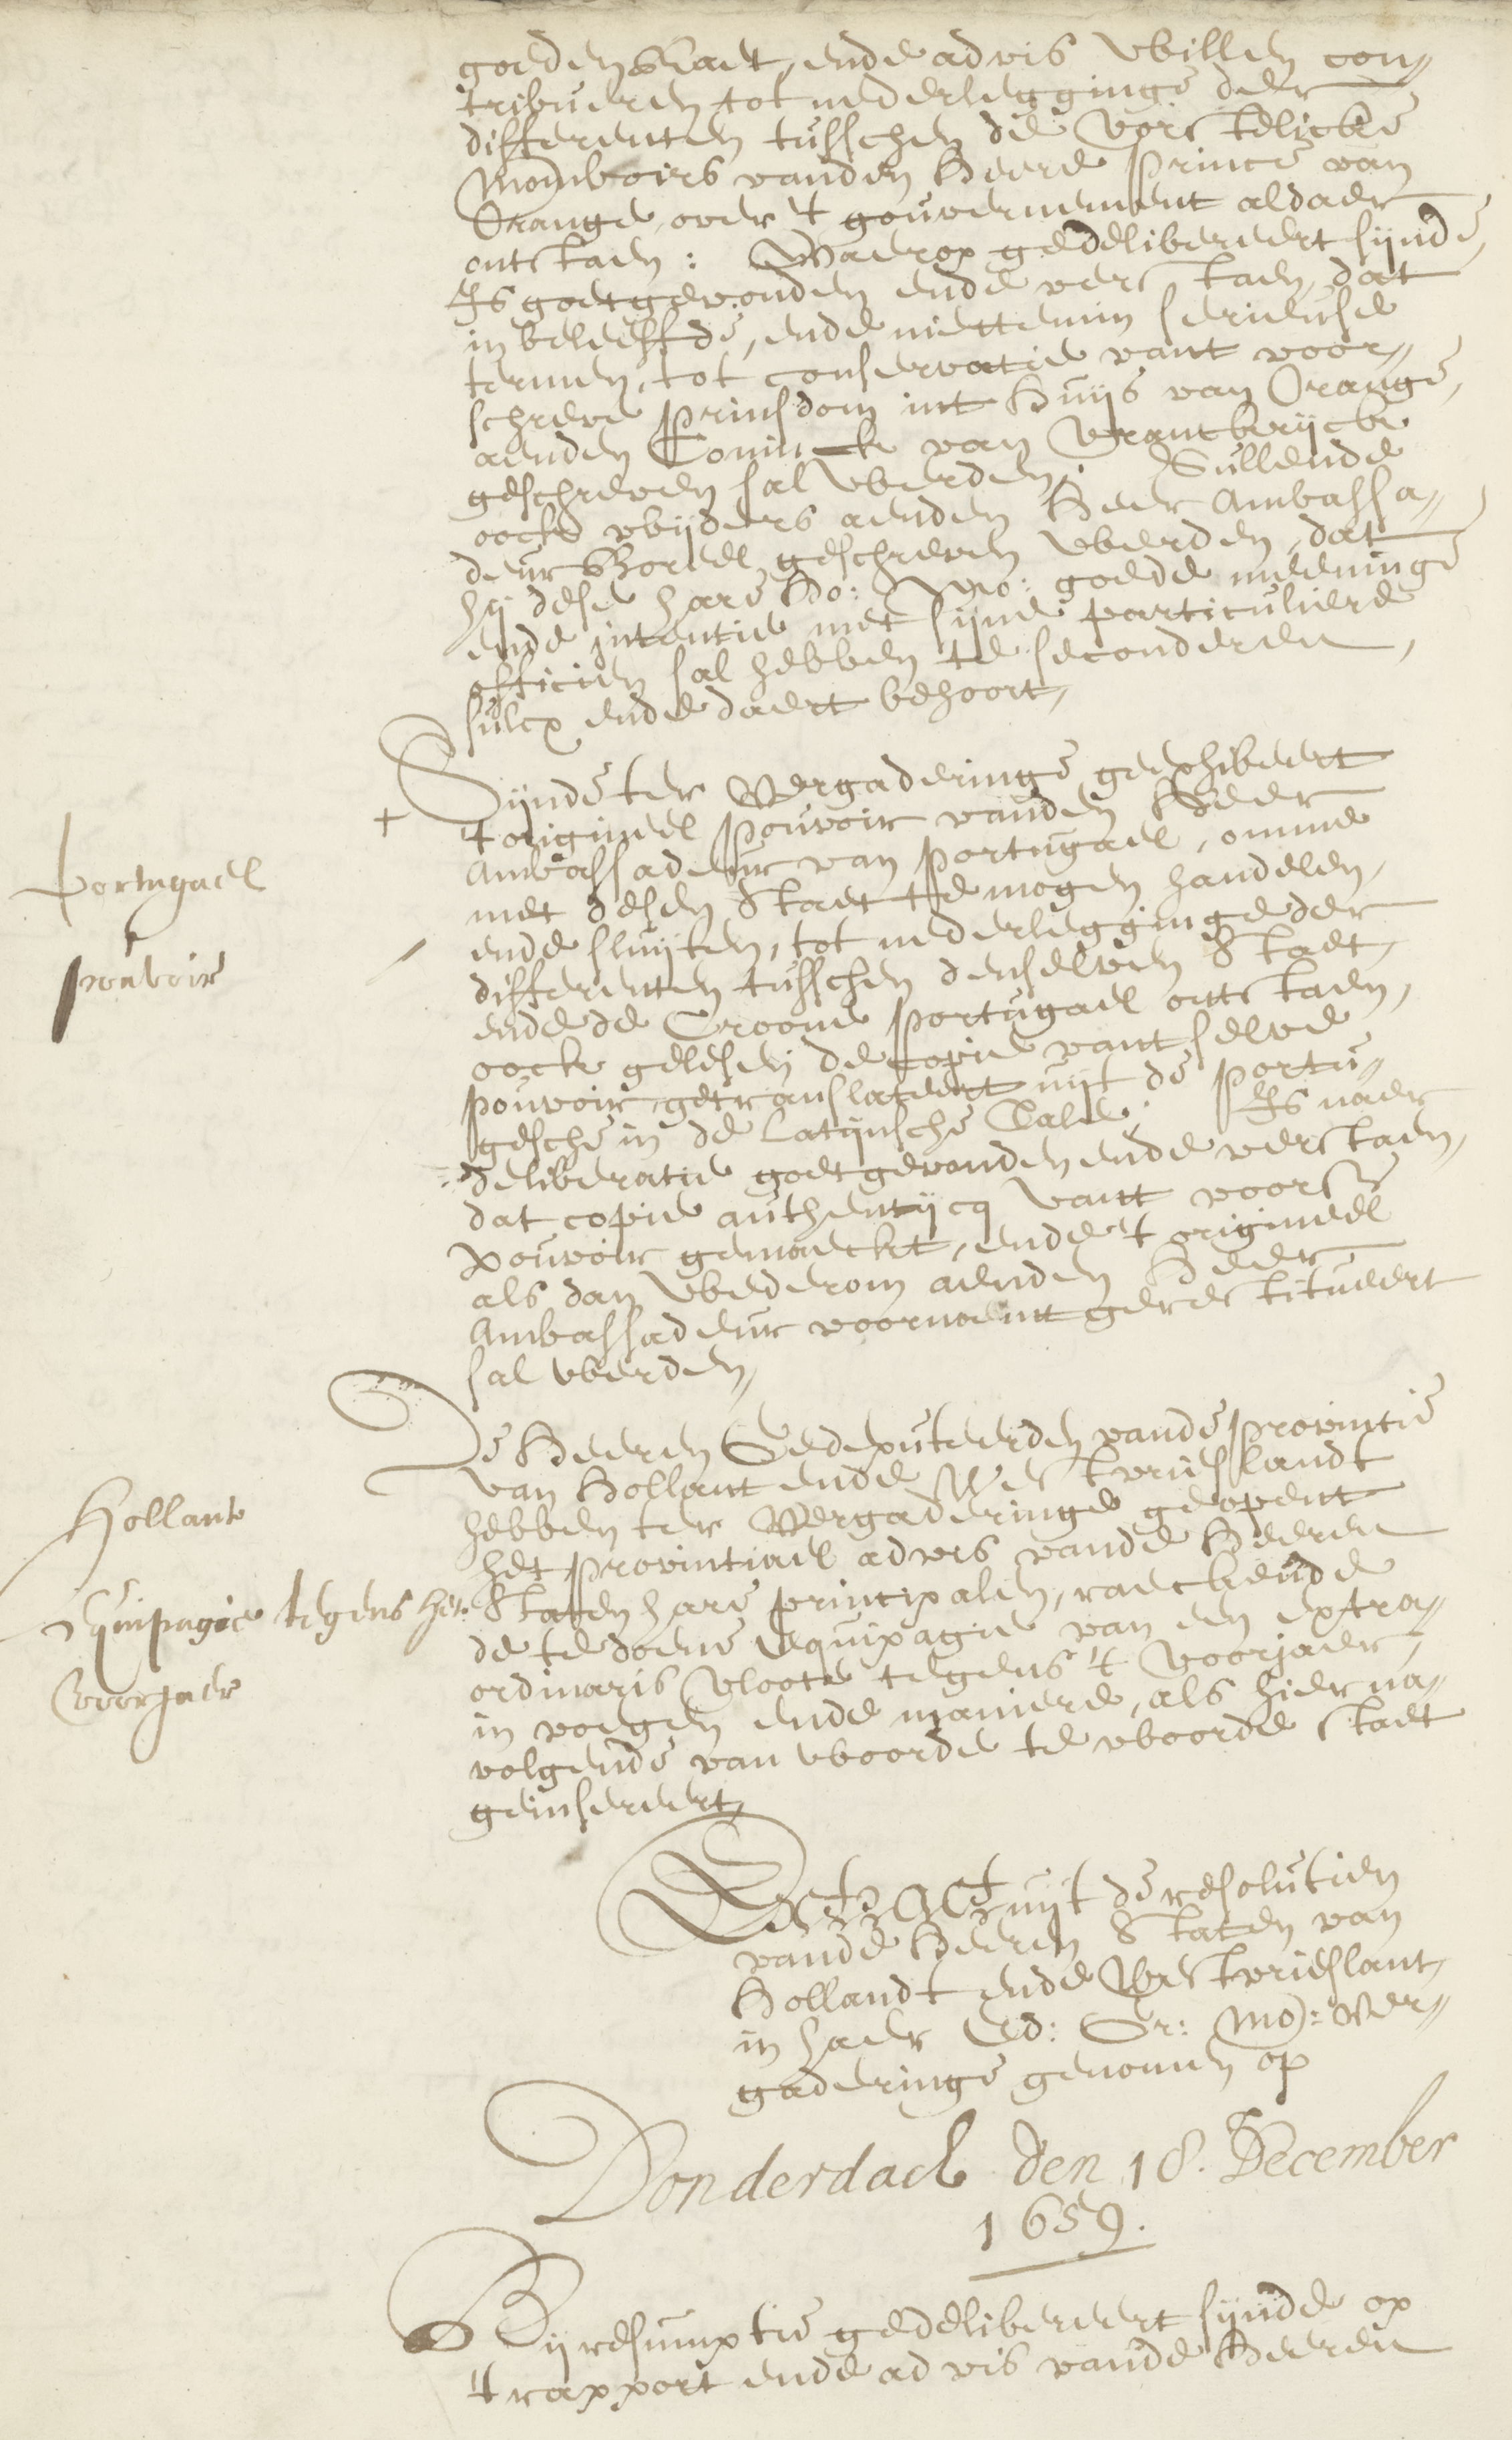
goeden Raet, ende advis willen con,,
tribueren tot nederlegginge der
differenten tusschen de vorstelicke
momboirs vanden Heere Prince van
Orange, over 't gouvernement aldaer
ontstaen: Waerop gedelibereert sijnde,
Is goetgevonden ende verstaen, dat
in beleeffde, ende niettemin serieuse
termen, tot conservatie vant voor,,
schreve prinsdom int Huijs van Orange,
aenden Coninck van vranckrijck
geschreven sal werden. Sullende
oock wijders aenden Heer Ambassa,,
deur Boreel geschreven werden, dat
hij dese hare Ho:Mo: goede meeninge
ende intentie met sijne particuliere
officien sal hebben te seconderen,
sulcx ende daert behoort.
Portugael
pouvoir
Sijnde ter Vergaderinge geexhibeert
't origineel pouvoir vanden Heer
Ambassadeur van portugael, omme
met desen Staet te mogen handelen,
ende sluijten, tot nederlegginge der
differenten tusschen denselven Staet,
ende de Croone portugael ontstaen,
oock gelesen de copie vant selve,
pouvoir, getranslateert uijt de portu,,
gesche in de Latijnsche Tale. Is naer
deliberatie goetgevonden ende verstaen,
dat copie authentijcq vant voors
pouvoir gemaeckt, ende 't origineel
als dan wederom aenden Heer
Ambassadeur voornoemt gerestitueert
sal werden.
Hollant
Equipagie tegens het
voorjaer
De Heeren Gedeputeerden vande provintie
van Hollant ende Westvrieslandt
hebben ter Vergaderinge geopent
het provintiael advis vande Heeren
Staten hare principalen, raeckende
de te doene Equipagie van een Extra,,
ordinaris vloote tegens 't voorjaer
in voegen ende maniere, als hier na,,
volgende van woorde te woorde staet
geinsereert.
Extract uijt de resolutien
vande Heeren Staten van
Hollandt ende Westvrieslant,
in haer Ed:Gr:Mo: Ver,,
gaderinge genomen op
Donderdach den 18. December
1659
Bij resumptie gedelibereert sijnde op
't rapport ende advis vande Heeren
